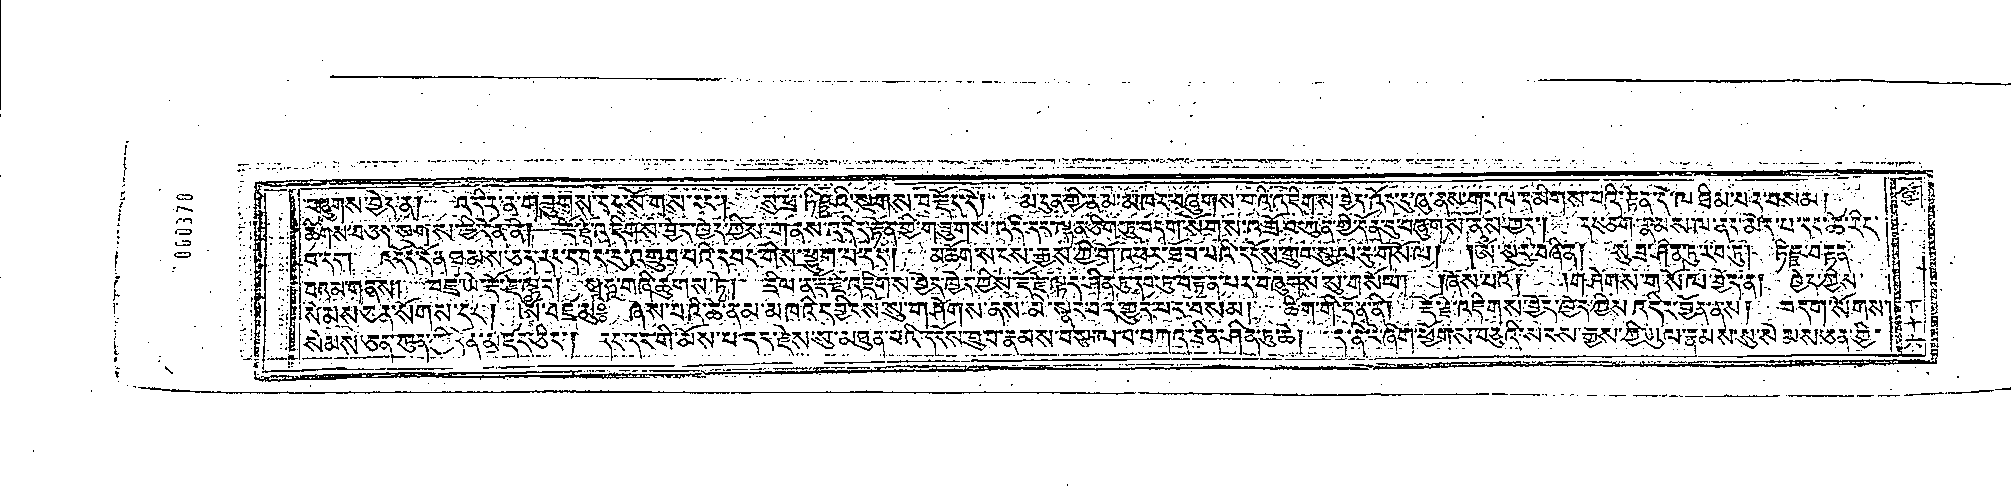བཞུགས་བྱེད་ན། འདིར་ན་གཟུགས་དང་སོགས་དང་། སུ་ཕྲ་ཏིཥཊཿཨའི་སྔགས་བརྗོད་དེ། མདུན་གྱི་ནམ་མཁར་བཞུགས་པའི་འཇིགས་བྱེད་འོད་དུ་ཞུ་ནས་གང་ལ་དམིགས་པའི་རྟེན་དེ་ལ་ཐིམ་པར་བསམ།
ཚིགས་བཅད་སྔགས་ཀྱི་དོན་ནི། རྡོ་རྗེ་འཇིགས་བྱེད་ཁྱེད་ཀྱིས་གནས་འདིར་རྟེན་གྱི་གཟུགས་འདིར་དང་ལྷན་ཅིག་ཏུ་བདག་སོགས་འགྲོ་བ་ཀུན་གྱི་དོན་དུ་བཞུགས་ནས་ཀྱང་། རང་ཅག་རྣམས་ལ་ནད་མེད་པ་དང་ཚེ་རིང་
བ་དང་། འདོད་དོན་ཐམས་ཅད་རང་དབང་དུ་འགྲུབ་པའི་དབང་གིས་ཕྱུག་པ་དང་། མཆོག་སངས་རྒྱས་ཀྱི་གོ་འཕང་ཐོབ་པའི་དངོས་གྲུབ་སྩལ་དུ་གསོལ། །ཨོཾ་སྔར་བཞིན། སུ་བྲ་ཤིན་ཏུ་རབ་ཏུ། ཏིཥཊཿཨ་བརྟན་
བའམ་གནས། བཛྲ་ཡེ་རྡོ་རྗེ་ལྟར། སྭཱཧཱ་གཞི་ཚུགས་ཏེ། དྲིལ་ན་རྡོ་རྗེ་འཇིགས་བྱེད་ཁྱེད་ཀྱིས་རྡོ་རྗེ་ལྟར་ཤིན་ཏུ་རབ་ཏུ་བརྟན་པར་བཞུགས་སུ་གསོལ། །ཞེས་པའོ། །གཤེགས་གསོལ་བྱེད་ན། ཁྱེད་ཀྱིས་
སེམས་ཅན་སོགས་དང་། ཨོཾ་བཛྲ་མུཿ་ཞེས་པའི་ཚེ་ནམ་མཁའི་དབྱིངས་སུ་གཤེགས་ནས་མི་སྣང་བར་གྱུར་པར་བསམ། ཚིག་གི་དོན་ནི། རྡོ་རྗེ་འཇིགས་བྱེད་ཁྱེད་ཀྱིས་འདིར་བྱོན་ནས། བདག་སོགས་
སེམས་ཅན་ཀུན་གྱི་དོན་མཛད་ཅིང་། རང་རང་གི་མོས་པ་དང་རྗེས་སུ་མཐུན་པའི་དངོས་གྲུབ་རྣམས་བསྩལ་བ་བཀའ་དྲིན་ཤིན་ཏུ་ཆེ། ད་ནི་རེ་ཞིག་ཕྱོགས་བཅུའི་སངས་རྒྱས་ཀྱི་ཡུལ་རྣམས་སུ་སེམས་ཅན་གྱི་